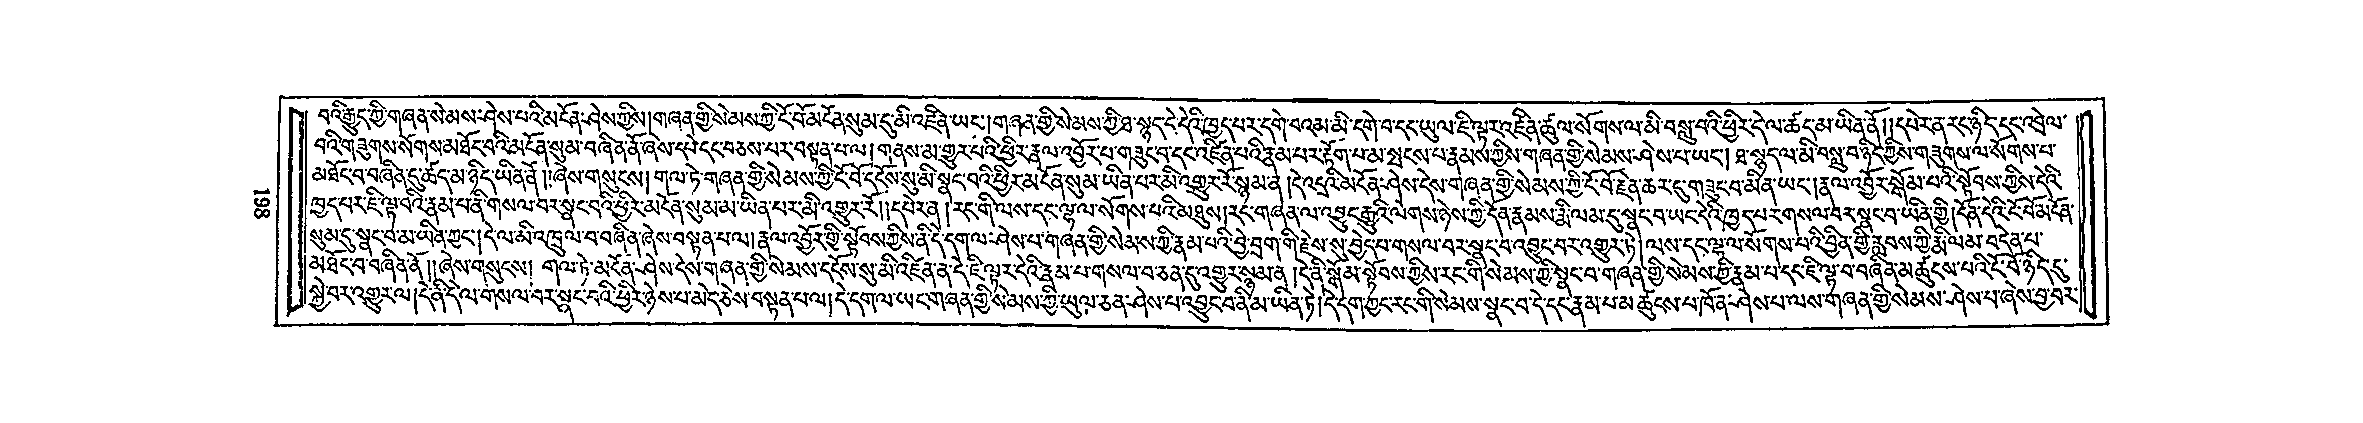བའི་རྒྱུད་ཀྱི་གཞན་སེམས་ཤི་བའི་མངོན་ཤེས་ཀྱིས། གཞན་གྱི་སེམས་ཀྱི་ངོ་བོ་མངོན་སུམ་དུ་མི་འཛིན་ཡང་། གཞན་གྱི་སེམས་ཀྱི་ཐ་སྙད་དེ་དེའི་ཁྱད་པར་དགེ་བའམ་མི་དགེ་བ་དང་ཡུལ་ཇི་ལྟར་འཛིན་ཚུལ་སོགས་ལ་མི་བསླུ་བའི་ཕྱིར་དེ་ལ་ཚད་མ་ཡིན་ནོ། །དཔེར་ན་རང་ཉིད་དང་འབྲེལ་
བའི་གཟུགས་སོགས་མཐོང་བའི་མངོན་སུམ་བཞིན་ནོ་ཞེས་དཔེ་དང་བཅས་པར་བསྟན་པ་ལ། གནས་མ་གྱུར་པའི་ཕྱིར་རྣལ་འབྱོར་པ་གཟུང་བ་དང་འཛིན་པའི་རྣམ་པར་རྟོག་པ་མ་སྤངས་པ་རྣམས་ཀྱིས་གཞན་གྱི་སེམས་ཤེས་པ་ཡང་། ཐ་སྙད་ལ་མི་བསླུ་བ་ཉིད་ཀྱིས་གཟུགས་ལ་སོགས་པ་
མཐོང་བ་བཞིན་དུ་ཚད་མ་ཉིད་ཡིན་ནོ། །ཞེས་གསུངས། གལ་ཏེ་གཞན་གྱི་སེམས་ཀྱི་ངོ་བོ་དངོས་སུ་མི་སྣང་བའི་ཕྱིར་མངོན་སུམ་ཡིན་པར་མི་འགྱུར་རོ་སྙམ་ན། དེ་འདྲའི་མངོན་ཤེས་དེས་གཞན་གྱི་སེམས་ཀྱི་ངོ་བོ་རྗེན་ཆར་དུ་གཟུང་བ་མིན་ཡང་། རྣལ་འབྱོར་སྒོམ་པའི་སྟོབས་ཀྱིས་དེའི་
ཁྱད་པར་ཇི་ལྟ་བའི་རྣམ་པ་ནི་གསལ་བར་སྣང་བའི་ཕྱིར་མངོན་སུམ་མ་ཡིན་པར་མི་འགྱུར་རོ། །དཔེར་ན། རང་གི་ལས་དང་ལྷ་ལ་སོགས་པའི་མཐུས། རང་གཞན་ལ་འབྱུང་རྒྱུའི་ལེགས་ཉེས་ཀྱི་དོན་རྣམས་རྨི་ལམ་དུ་སྣང་བ་ཡང་དེའི་ཁྱད་པར་གསལ་བར་སྣང་བ་ཡིན་གྱི། དོན་དེའི་ངོ་བོ་མངོན་
སུམ་དུ་སྣང་བ་མ་ཡིན་ཀྱང་། དེ་ལ་མི་འཁྲུལ་བ་བཞིན་ཞེས་བསྟན་པ་ལ། རྣལ་འབྱོར་གྱི་སྟོབས་ཀྱིས་ནི་དེ་དག་ལ་ཤེས་པ་གཞན་གྱི་སེམས་ཀྱི་རྣམ་པའི་བྱེ་བྲག་གི་རྗེས་སུ་བྱེད་པ་གསལ་བར་སྣང་བ་འབྱུང་བར་འགྱུར་ཏེ། ལས་དང་ལྷ་ལ་སོགས་པའི་བྱིན་གྱི་རླབས་ཀྱི་རྨི་ལམ་བདེན་པ་
མཐོང་བ་བཞིན་ནོ། །ཞེས་གསུངས། གལ་ཏེ་མངོན་ཤེས་དེས་གཞན་གྱི་སེམས་དངོས་སུ་མི་འཛིན་ན་དེ་ཇི་ལྟར་དེའི་རྣམ་པ་གསལ་བ་ཅན་དུ་འགྱུར་སྙམ་ན། དེ་ནི་སྒོམ་སྟོབས་ཀྱིས་རང་གི་སེམས་ཀྱི་སྣང་བ་གཞན་གྱི་སེམས་ཀྱི་རྣམ་པ་དང་ཇི་ལྟ་བ་བཞིན་མཚུངས་པའི་ངོ་བོ་ཉིད་དུ་
སྐྱེ་བར་འགྱུར་ལ། དེ་ནི་དེ་ལ་གསལ་བར་སྣང་བའི་ཕྱིར་ཉེས་པ་མེད་ཅེས་བསྟན་པ་ལ། དེ་དག་ལ་ཡང་གཞན་གྱི་སེམས་ཀྱི་ཡུལ་ཅན་ཤེས་པ་འབྱུང་བ་ནི་མ་ཡིན་ཏེ། དེ་དག་ཀྱང་རང་གི་སེམས་སྣང་བ་དེ་དང་རྣམ་པ་མཚུངས་པ་ཁོ་ན་ཤེས་པ་ལས་གཞན་གྱི་སེམས་ཤེས་པ་ཞེས་བྱ་བར་